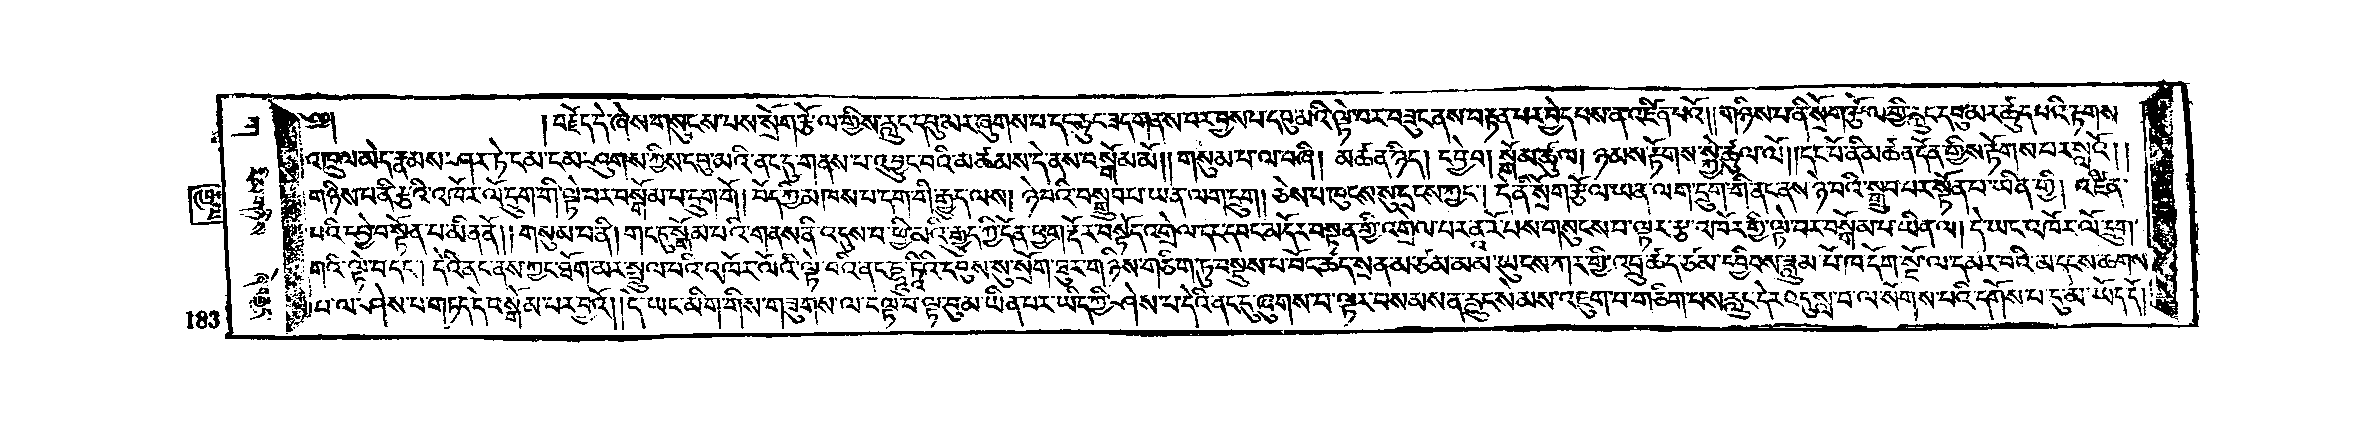༄༅། །བརྗོད་དེ་ཞེས་གསུངས་པས་སྲོག་རྩོལ་གྱིས་རླུང་དབུ་མར་ཞུགས་པ་དང་ཅུང་ཟད་གནས་པར་བྱས་པ་དབུ་མའི་ལྟེ་བར་བཟུང་ནས་བརྟན་པར་བྱེད་པས་ན་འཛིན་པའོ། །གཉིས་པ་ནི་སྲོག་རྩོལ་གྱི་རླུང་དབུ་མར་ཚུད་པའི་རྟགས་
འཁྲུལ་མེད་རྣམས་ཤར་ཏེ་ངམ་ངམ་ཤུགས་ཀྱིས་དབུ་མའི་ནང་དུ་གནས་པ་འབྱུང་བའི་མཚམས་དེ་ནས་བསྒོམ་མོ། །གསུམ་པ་ལ་བཞི། མཚན་ཉིད། དབྱེ་བ། སྒོམ་ཚུལ། ཉམས་རྟོགས་སྐྱེ་ཚུལ་ལོ། །དང་པོ་ནི་མཚན་དོན་གྱིས་རྟོགས་པར་སླའོ། །
གཉིས་པ་ནི་རྩའི་འཁོར་ལོ་དྲུག་གི་ལྟེ་བར་བསྒོམ་པ་དྲུག་གོ །བོད་ཀྱི་མཁས་པ་དག་གི་རྒྱུད་ལས། ཉེ་བའི་བསྒྲུབ་པ་ཡན་ལག་དྲུག །ཅེས་པ་ཁུངས་སུ་དྲངས་ཀྱང་། དེ་ནི་སྲོག་རྩོལ་ཡན་ལག་དྲུག་གི་ནང་ནས་ཉེ་བའི་སྒྲུབ་པར་སྟོན་པ་ཡིན་གྱི། འཛིན་
པའི་དབྱེ་བ་སྟོན་པ་མིན་ནོ། །གསུམ་པ་ནི། གང་དུ་སྒོམ་པའི་གནས་ནི་འདུས་པ་ཕྱི་མའི་རྒྱུད་ཀྱི་དོན་ཕྱག་རྡོར་བསྟོད་འགྲེལ་དང་དབང་མདོར་བསྟན་གྱི་འགྲེལ་པར་ནཱ་རོ་པས་གསུངས་པ་ལྟར་རྩ་འཁོར་གྱི་ལྟེ་བར་བསྒོམ་པ་ཡིན་ལ། དེ་ཡང་འཁོར་ལོ་དྲུག་
གའི་ལྟེ་བ་དང་། དེའི་ནང་ནས་ཀྱང་ཐོག་མར་སྤྲུལ་པའི་འཁོར་ལོའི་ལྟེ་བའི་ནང་དྷཱུ་ཏཱིའི་དབུས་སུ་སྲོག་ཐུར་གཉིས་གཅིག་ཏུ་བསྡུས་པ་བོང་ཚད་སྲན་མ་ཙམ་མམ་ཡུངས་ཀར་གྱི་འབྲུ་ཚད་ཙམ་དབྱིབས་ཟླུམ་པོ་ཁ་དོག་སྔོ་ལ་དམར་བའི་མདངས་ཆགས་
པ་ལ་ཤེས་པ་གཏད་དེ་བསྒོམ་པར་བྱའོ། །དེ་ཡང་མིག་གིས་གཟུགས་ལ་བལྟ་བ་ལྟ་བུ་མ་ཡིན་པར་ཡིད་ཀྱི་ཤེས་པ་དེའི་ནང་དུ་ཞུགས་པ་ལྟར་བསམས་ན་རླུང་སེམས་འཇུག་པ་གཅིག་པས་རླུང་དེར་འདུ་སླ་བ་ལ་སོགས་པའི་དགོས་པ་དུ་མ་ཡོད་དོ། །